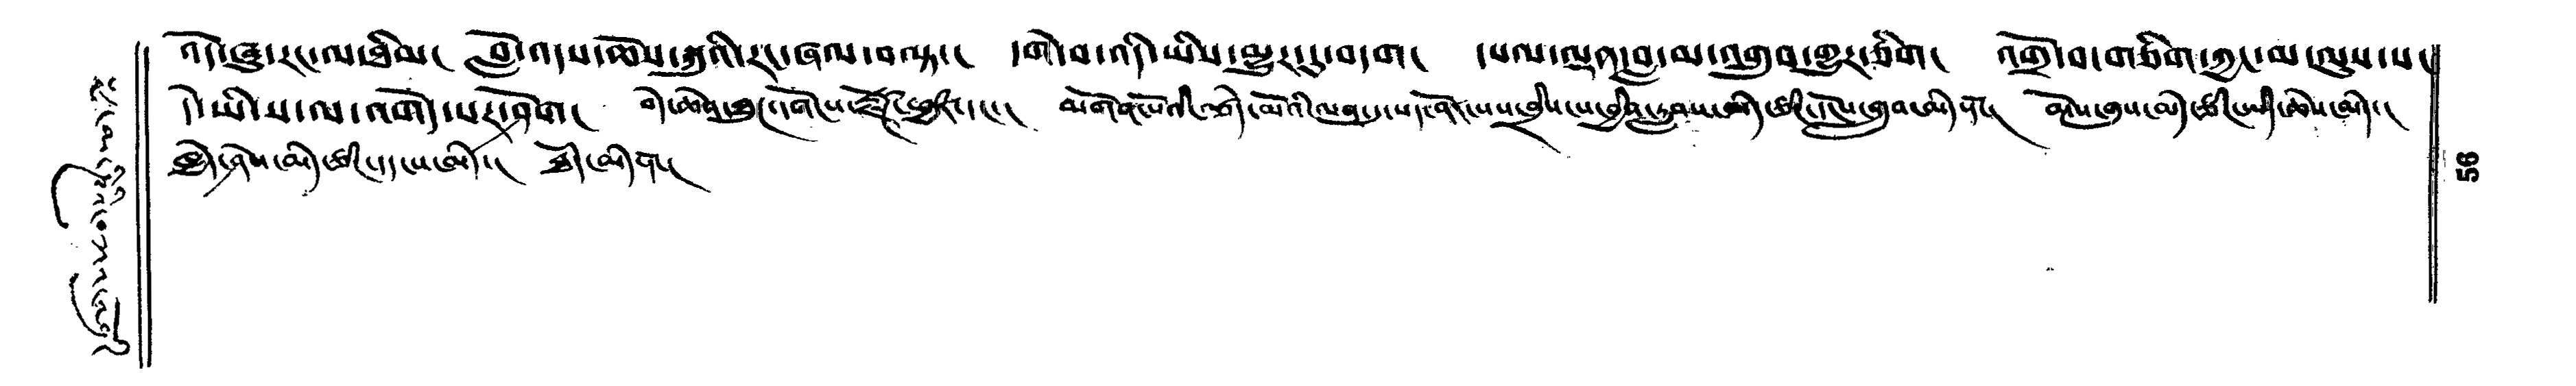འོད་ཞུ་རང་ལ་ཐིམ། །བློ་འདས་ཆོས་སྐུའི་རང་ཞལ་བལྟ། །དགེ་བ་འདི་ཡིས་མྱུར་དུ་བདག །དཔལ་ལྡན་བླ་མ་འགྲུབ་གྱུར་ཅིག །འགྲོ་བ་གཅིག་ཀྱང་མ་ལུས་པ། །
དེ་ཡི་ས་ལ་འགོད་པར་ཤོག །བདེ་ཆེན་གྱི་ཐུགས་དགོངས་རྫོགས་ཕྱིར་དང་། མགོན་པོའི་རྩེད་མོའི་ལན་དུ་པད་ནོར་པས་བྲིས་པ་སྟེ། བྱིན་རླབས་མེད་ཅིང་དངོས་གྲུབ་མེད། །མོས་གུས་མེད་ཅིང་ཡིད་ཆེས་མེད། 
ཁྱེད་ཤེས་མེད་ཅིང་དད་པ་མེད། ཐམས་ཅད་མེད་དོ།། དགེའོ།།